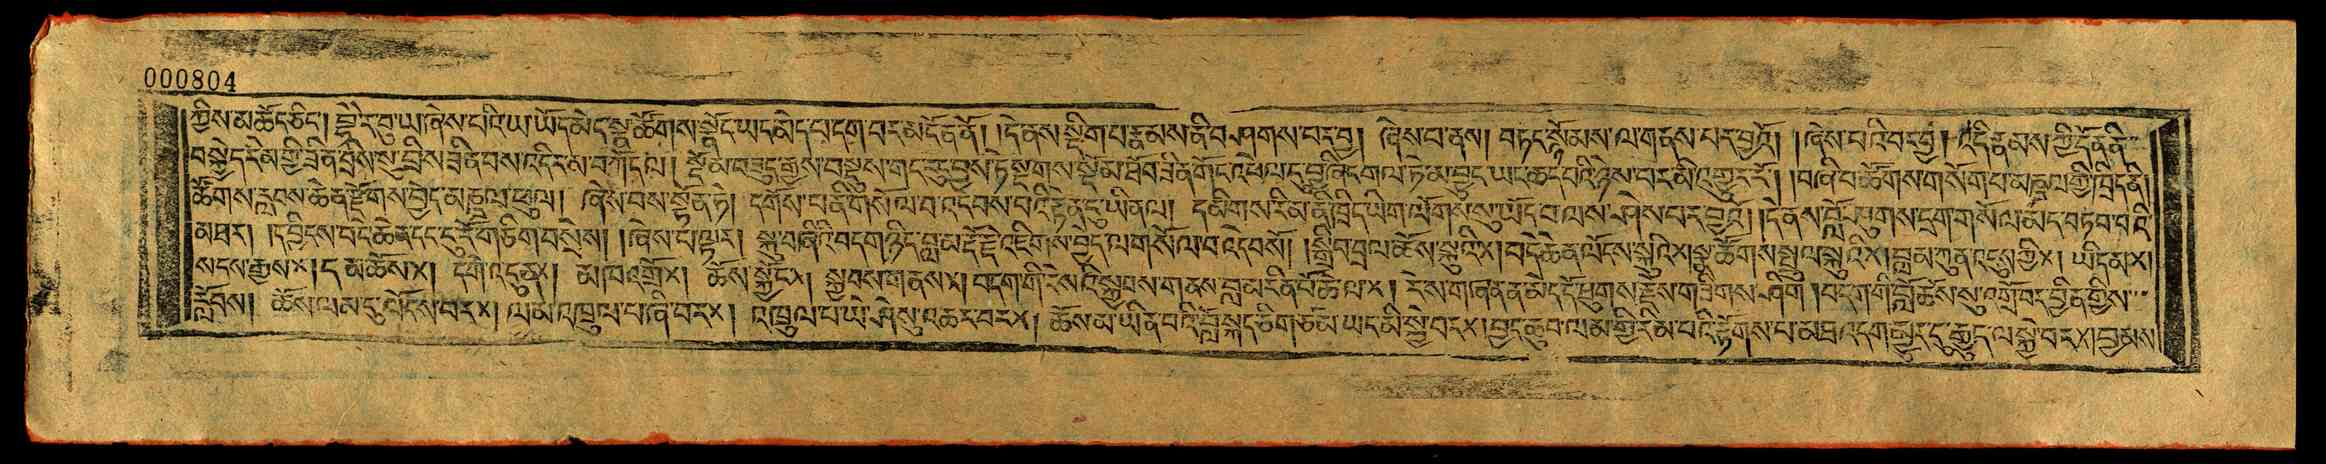ཀྱིས་མཆོད་ཅིང་། བྷཻ་ར་བཱ་ཡ་ཞེས་པའི་ཡེ་ཡོད་མེད་སྣ་ཚོགས་སྣང་ཡང་མེད་པ་དག་པར་མངོན་ནོ། །དེ་ནས་སྡིག་པ་རྣམས་ནི་བཤགས་པར་བྱ། ཞེས་པ་ནས། བཏང་སྙོམས་ལ་གནས་པར་བྱའོ། །ཞེས་པའི་བར་བྱ། འདི་རྣམས་ཀྱི་དོན་ནི་
བསྐྱེད་རིམ་གྱི་ཟིན་བྲིས་སུ་བྲིས་ཟིན་པས་འདིར་མ་བཀོད་ལ། སྔོམ་བཟུང་རྒྱས་བསྡུས་གང་རུང་བྱས་ཏེ་སྔགས་སྔོམ་ཐོབ་ཟིན་གོང་འཕེལ་དུ་བྱ་ཞིང་གལ་ཏེ་མ་བྱུང་ཡང་ཆད་པའི་ཉེས་པར་མི་འགྱུར་རོ། །བཞི་པ་ཚོགས་གསག་པ་མཎྜལ་གྱི་ཁྲིད་ནི།
ཚོགས་རླབས་ཆེན་རྫོགས་བྱེད་མཎྜལ་ཕུལ། ཞེས་པས་སྟོན་ཏེ། དགོས་པ་ནི་གསོལ་བ་འདེབས་པའི་རྟེན་དུ་ཡིན་ལ། དམིགས་རིམ་ནི་ཁྲིད་ཡིག་ལོགས་སུ་ཡོད་པ་ལས་ཤེས་པར་བྱ། ། །དེ་ནས་བློ་ཤུགས་དྲག་གསོལ་མང་བཏབ་པའི་
མཐར། །དབྱིངས་བདེ་ཆེན་དང་དུ་རོ་གཅིག་བསྲེས། །ཞེས་པ་ལྟར། སྐུ་བཞིའི་བདག་ཉིད་བླ་མ་རྡོ་རྗེ་འཇིགས་བྱེད་ལ་གསོལ་བ་འདེབས་སོ། །སྒྲུབ་བྲལ་ཆོས་སྐུའི་྾། བདེ་ཆེན་ལོངས་སྐུའི་྾། སྣ་ཚོགས་སྤྲུལ་སྐུའི་྾། བླ་མ་ཀུན་འདུས་ཀྱི་྾། ཡི་དམ་྾།
སངས་རྒྱས་྾། དམ་ཆོས་྾། དགེ་འདུན་྾། མཁའ་གྲོ་྾། ཆོས་སྐྱོང་྾། སྐྱབས་གནས་མ་བདག་གི་རེ་སའི་སྐྱབས་གནས་བླ་མ་རིན་པོ་ཆེ་ལ་྾། རེས་གཞན་ན་མེད་དོ་ཐུགས་རྗེས་གཟིགས་ཤིག །བདག་གི་བློ་ཆོས་སུ་འགྲོ་བར་བྱིན་གྱིས་
རློབས། ཆོས་ལམ་དུ་ལོངས་པར་྾། ལམ་འཁྲུལ་པ་ཞི་བར་྾། འཁྲུལ་པ་ཡེ་ཤེས་སུ་འཆར་བར་྾། ཆོས་མ་ཡིན་པའི་བློ་སྐད་ཅིག་ཙམ་ཡང་མི་སྐྱེ་བར་྾། བྱང་ཆུབ་ལམ་གྱི་རིམ་པའི་རྟོགས་པ་མཐའ་དག་མྱུར་དུ་རྒྱུད་ལ་སྐྱེ་བར་྾། བྱམས་